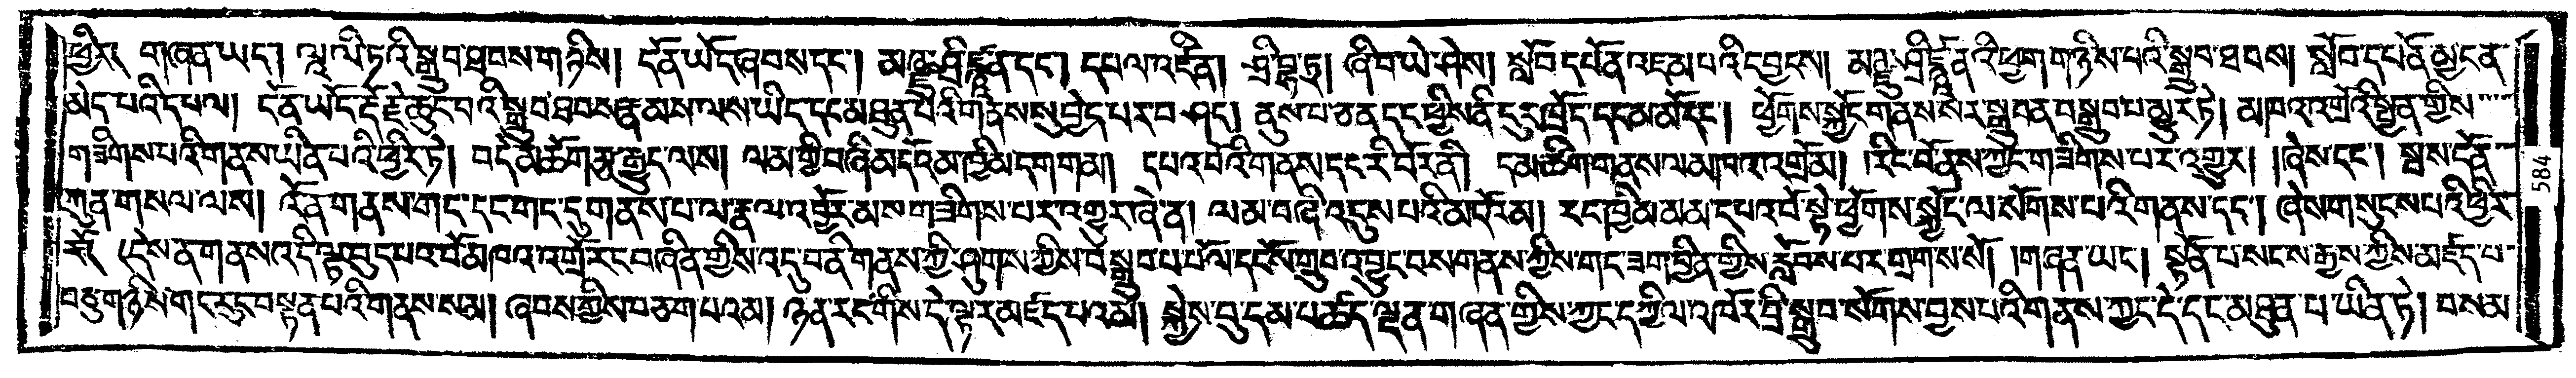ཕྱིར༑ གཞན་ཡང་། ལཱ་ལི་ཏའི་སྒྲུབ་ཐབས་གཉིས། དོན་ཡོད་ཞབས་དང་། མཉྫུ་ཤྲི་ཛྙཱ་ན་དང་། དཔལ་འཛིན། ཤྲི་བྷ་ཏྲ། ཞིབ་ཡེ་ཤེས། སློབ་དཔོན་འཇམ་པའི་དབྱངས། མཉྫུ་ཤྲི་ཛྙཱ་ནའི་ཕྱག་གཉིས་པའི་སྒྲུབ་ཐབས། སློབ་དཔོན་མྱ་ངན་
མེད་པའི་དཔལ། དོན་ཡོད་རྡོ་རྗེ་ཆུང་བའི་སྒྲུབ་ཐབས་རྣམས་ལས་ཡིད་དང་མཐུན་པའི་གནས་སུ་བྱེད་པར་བཤད། ནུས་པ་ཅན་དང་ཕྱིས་ནི་དུར་ཁྲོད་དང་མ་མོ་དང་། ཕྱོགས་སྐྱོང་གནས་སེར་སྒྲུབ་ན་བསྒྲུབ་པ་མྱུར་ཏེ། མཁའ་འགྲོའི་སྤྱན་གྱིས་
གཟིགས་པའི་གནས་ཡིན་པའི་ཕྱིར་ཏེ། བདེ་མཆོག་རྩ་རྒྱུད་ལས། ལམ་གྱི་བཞི་མདོའམ་ཁྱིམ་དག་གམ། དཔའ་བོའི་གནས་དང་རི་བོར་ནི། དམ་ཚིག་གནས་ལ་མཁའ་འགྲོ་མ། །རིང་བོ་ནས་ཀྱང་གཟིགས་པར་འགྱུར། །ཞེས་དང་། སྦས་དོན་
ཀུན་གསལ་ལས། འོ་ན་གནས་གང་དང་གང་དུ་གནས་པ་ལ་རྣལ་འབྱོར་མས་གཟིགས་པར་འགྱུར་ཞེ་ན། ལམ་བཞི་འདུས་པའི་མདོའམ། རང་ཁྱིམ་མམ་དཔའ་བོ་སྟེ་ཕྱོགས་སྐྱོང་ལ་སོགས་པའི་གནས་དང་། ཞེས་གསུངས་པའི་ཕྱིར་
རོ༑ ༑དེས་ན་གནས་འདི་ལྟ་བུ་དཔའ་བོ་མཁའ་འགྲོ་རང་བཞིན་གྱིས་འདུ་བ་ནི་གནས་ཀྱི་ཤུགས་ཀྱིས་བསྒྲུབ་པ་པོ་ལ་དངོས་གྲུབ་འབྱུང་བས་གནས་ཀྱིས་གང་ཟག་བྱིན་གྱིས་རློབས་པར་གྲགས་སོ། །གཞན་ཡང་། སྟོན་པ་སངས་རྒྱས་ཀྱིས་མཛད་པ་
བཅུ་གཉིས་གང་རུང་བསྟན་པའི་གནས་སམ། ཞབས་ཀྱིས་བཅག་པའམ། ཉན་རང་གིས་དེ་ལྟར་མཛད་པའམ། སྐྱེས་བུ་དམ་པ་ཚད་ལྡན་གཞན་གྱིས་ཀྱང་དཀྱིལ་འཁོར་བྲི་སྒྲུབ་སོགས་བྱས་པའི་གནས་ཀྱང་དེ་དང་མཐུན་པ་ཡིན་ཏེ། བསམ་